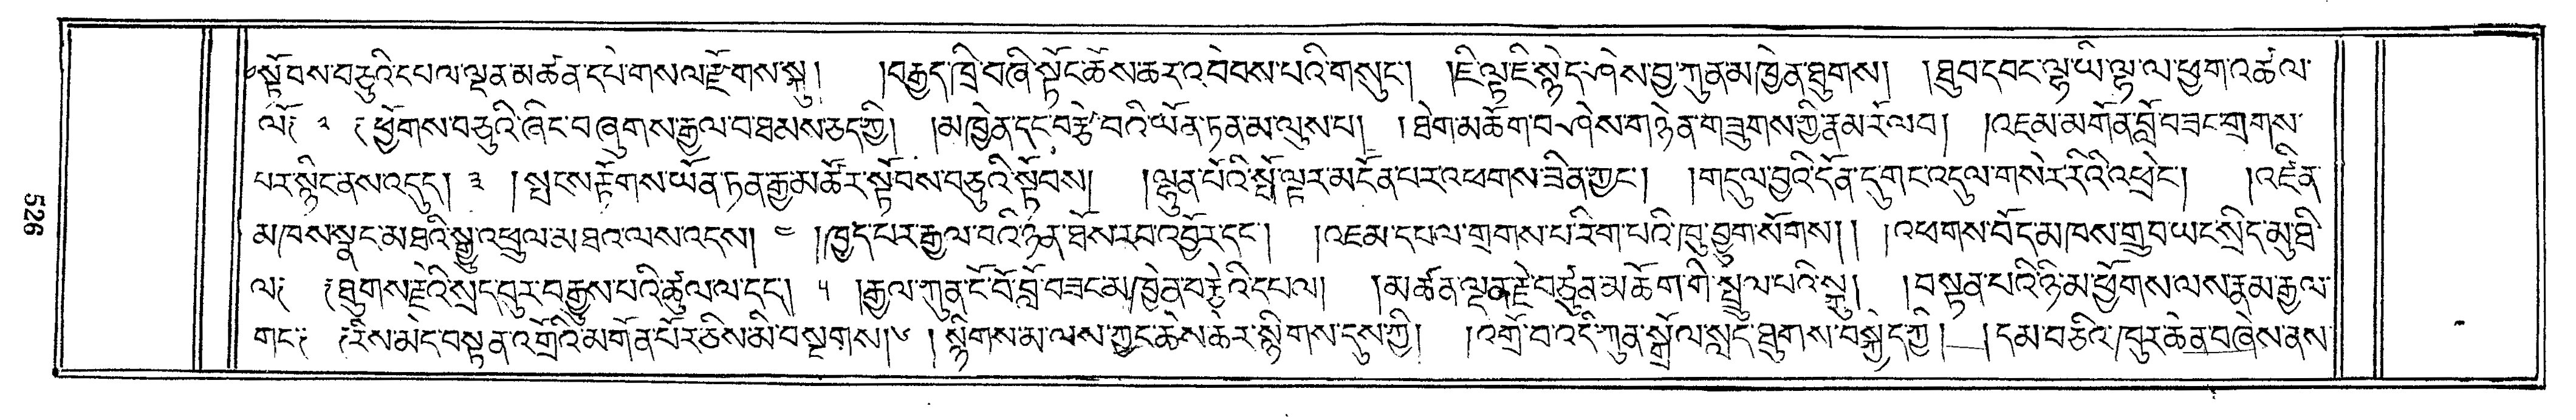སྟོབས་བཅུའི་དཔལ་ལྡན་མཚན་དཔེ་གསལ་རྫོགས་སྐུ། །བརྒྱད་ཁྲི་བཞི་སྟོང་ཆོས་ཆར་འབེབས་པའི་གསུང་། །ཇི་ལྟ་ཇི་སྙེད་ཤེས་བྱ་ཀུན་མཁྱེན་ཐུགས། །ཐུབ་དབང་ལྷ་ཡི་ལྷ་ལ་ཕྱག་འཚལ་
ལོ༑ ༢་༑ཕྱོགས་བཅུའི་ཞིང་བཞུགས་རྒྱལ་བ་ཐམས་ཅད་ཀྱི། །མཁྱེན་དང་བརྩེ་བའི་ཡོན་ཏན་མ་ལུས་པ། །ཐེག་མཆོག་བཤེས་གཉེན་གཟུགས་ཀྱི་རྣམ་རོལ་བ། །འཇམ་མགོན་བློ་བཟང་གྲགས་
པར་སྙིང་ནས་འདུད། ༣་།སྤངས་རྟོགས་ཡོན་ཏན་རྒྱ་མཚོར་སྟོབས་བཅུའི་སྟོབས། །ལྷུན་པོའི་སྤོ་ལྟར་མངོན་པར་འཕགས་ཟིན་ཀྱང་། །གདུལ་བྱའི་དོན་དུ་གང་འདུལ་གསེར་རིའི་འཕྲེང་། །འཛིན་
མཁས་སྣང་མཐའི་སྒྱུ་འཕྲུལ་མཐའ་ལས་འདས། ༤་།ཁྱད་པར་རྒྱལ་བའི་ཉན་ཐོས་རབ་འབྱོར་དང་། །འཇམ་དཔལ་གྲགས་པ་རིག་པའི་ཁུ་བྱུག་སོགས། །འཕགས་བོད་མཁས་གྲུབ་ཡང་སྲིད་མུ་ཐི་
ལ༑ ༑ཐུགས་རྗེའི་སྲད་བུར་བརྒྱུས་པའི་ཚུལ་ལ་དད། ༥་།རྒྱལ་ཀུན་ངོ་བོ་བློ་བཟང་མཁྱེན་བརྩེའི་དཔལ། །མཚན་ལྡན་རྗེ་བཙུན་མཆོག་གི་སྤྲུལ་པའི་སྐུ། །བསྟན་པའི་ཉི་མ་ཕྱོགས་ལས་རྣམ་རྒྱལ་
གང༑ ༑རྭིས་མེད་བསྟན་འགྲོའི་མགོན་པོར་ཅིས་མི་བསྔགས། ༦་།སྙིགས་མ་ལས་ཀྱང་ཆེས་ཆེར་སྙིགས་དུས་ཀྱི། །འགྲོ་བ་འདི་ཀུན་སྒྲོལ་སླང་ཐུགས་བསྐྱེད་ཀྱི། །དམ་བཅའི་ཁུར་ཆེན་བཞེས་ནས་